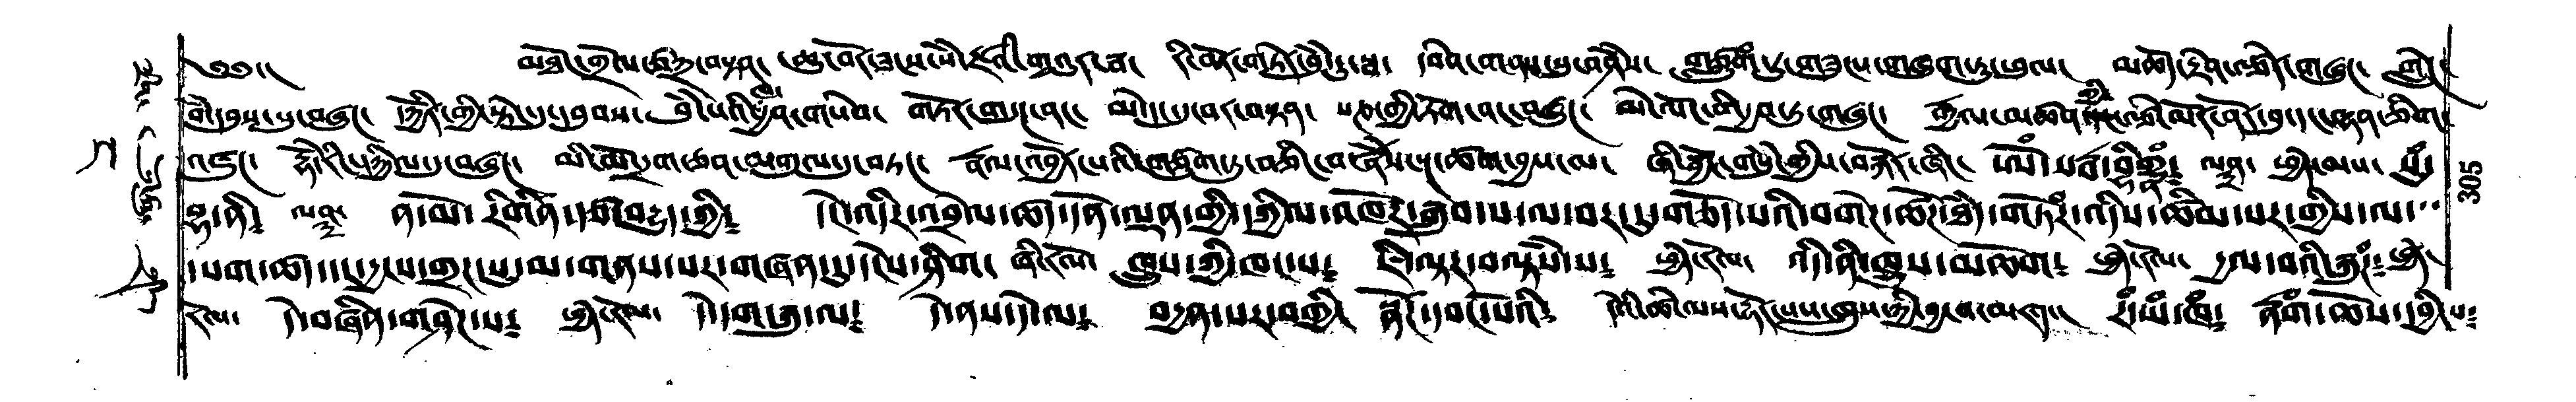མཐོང་གྲོལ་ཙཀྲ་བསྟན། ཆུ་བོར་ཟངས་སམ་རྫའི་གྭའུར་སྦ། རི་བོར་གཏེར་བུམ་དུ་སྦ། དབེན་གནས་སུ་བཤམ། གཙུག་ལག་ཏུ་གཟུངས་གཞུག་ཕུལ་ལ་མཆོད་རྟེན་རྩེར་འཛུགས། གླེགས་
བམ་དབུས་སུ་བཞུགས། དཀྱིལ་འཁོར་གྱི་སྟེང་དུ་དབུབས། བུམ་པའི་ཁ་རྒྱན་གསེབ། གཏོར་གདུགས་ནང་མེ་དང་དུ་བར་བསྟན། ཅོད་པཎ་གྱི་ཏོག་ནང་བཞུགས། མེ་ལོང་གི་རྒྱབ་ཏུ་གཞུག རྒྱལ་མཚན་གྱི་རྩེ་མོར་ནོར་བུ་དང་ལྷན་ཅིག་
འཛུགས། རྡོ་རྗེའི་དཀྱིལ་དུ་བཞུགས། མི་མོ་དྲག་ཤུལ་ཅན་གྱི་མགུལ་དུ་ཐོགས། རྣལ་འབྱོར་པའི་གཙུག་ཏུ་བཅིང་བ་རྣམས་སྔ་འཚག་བྱས་ལ། ཞི་སྦྱང་གསུམ་གྱིས་བསྐོར་ཞིང་། ཨོཾ་སརྦ་བྷིགྷྣཾ༴ ལན་གསུམ། ཕྱེད་མས། སུཾ་
བྷ་ནི༴ ལན་གསུམ། ན་མོ། རིག་འཛིན་རྩ་བརྒྱུད་ཀྱི༴ དེང་འདིར་འབྲེལ་ཚད་དོན་ལྡན་གྱི་དཀྱིལ་འཁོར་སྒྲུབ་པ་ལ་བར་དུ་གཅོད་པའི་བགེགས་ཚོགས་ཐམས་ཅད་གཏོར་མ་འདིས་ཚིམ་པར་གྱིས་ལ་
དཔག་ཚད་དང་རྒྱང་གྲགས་སུ་མ་གནས་པར་གཞན་དུ་དེངས་ཤིགཞི་རོལ། ཁྲུས་ཀྱི་ཁང་པ༴ ཇི་ལྟར་བལྟམས་པ༴ ཕྱེད་རོལ། འདི་ནི་ཁྲུས་མཆོག༴ ཕྱེད་རོལ། རྒྱལ་བའི་སྐུ་གསུང་ཐུགས༴ ཕྱེད་
རོལ། དེ་བཞིན་གཤེགས་པ༴ ཕྱེད་རོལ། དེ་དག་སྐུ་ལ༴ དེ་ནས་དེ་ལ༴ བརྒྱན་པར་བགྱི། སྣ་ཚོགས་དབང་པོའི༴ དེའི་ཚེ་ལས་རྡོར་པས་ཁྲུས་ཀྱི་བྱ་བ་མཛད། རྃ་ཡྃ་ཁྃ༴ རྣམ་དག་ཆོས་དབྱིངས༴